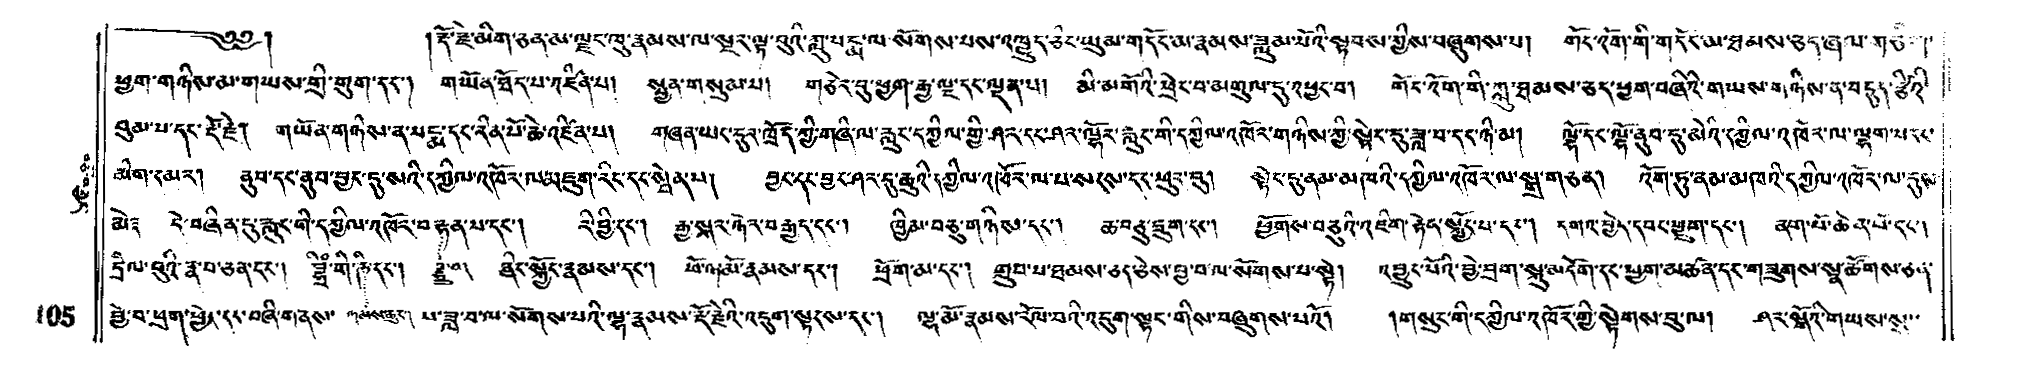༄༅། །རྡོ་རྗེ་མིག་ཅན་མ་ལྗང་ཁུ་རྣམས་ལ་སྔར་ལྟ་བུའི་ཀླུ་པདམ་ལ་སོགས་པས་འཁྱུད་ཅིང་ཡུམ་གདོང་མ་རྣམས་ཟླུམ་པོའི་སྟབས་ཀྱིས་བཞུགས་པ། གོང་འོག་གི་གདོང་མ་ཐམས་ཅད་ཞལ་གཅིག་
ཕྱག་གཉིས་མ་གཡས་གྲི་གུག་དང་། གཡོན་ཐོད་པ་འཛིན་པ། སྤྱན་གསུམ་པ། གཅེར་བུ་ཕྱག་རྒྱ་ལྔ་དང་ལྡན་པ། མི་མགོའི་ཕྲེང་བ་མགུལ་དུ་འཕྱང་བ། གོང་འོག་གི་ཀླུ་ཐམས་ཅད་ཕྱག་བཞིའི་གཡས་གཉིས་ན་བདུད་རྩིའི་
བུམ་པ་དང་རྡོ་རྗེ། གཡོན་གཉིས་ན་པདམ་དང་རིན་པོ་ཆེ་འཛིན་པ། གཞན་ཡང་དུར་ཁྲོད་ཀྱི་གཞི་ལ་རླུང་དཀྱིལ་གྱི་ཤར་དང་ཤར་ལྷོར་རླུང་གི་དཀྱིལ་འཁོར་གཉིས་ཀྱི་སྟེང་དུ་ཟླ་བ་དང་ཉི་མ། ལྷོ་དང་ལྷོ་ནུབ་ཏུ་མེའི་དཀྱིལ་འཁོར་ལ་ལྷག་པ་དང་
མིག་དམར། ནུབ་དང་ནུབ་བྱང་དུ་སའི་དཀྱིལ་འཁོར་ལ་མཇུག་རིང་དང་སྦེན་པ། བྱང་དང་བྱང་ཤར་དུ་ཆུའི་དཀྱིལ་འཁོར་ལ་པ་སངས་དང་ཕུར་བུ། སྟེང་དུ་ནམ་མཁའི་དཀྱིལ་འཁོར་ལ་སྒྲ་གཅན། འོག་ཏུ་ནམ་མཁའི་དཀྱིལ་འཁོར་ལ་དུས་
མེ༑ དེ་བཞིན་དུ་རླུང་གི་དཀྱིལ་འཁོར་བརྟན་དྷྲུཾ་བ་པ་དང་། རི་བྱི་དང་། རྒྱ་སྐར་ཉེར་བརྒྱད་དང་། ཁྱིམ་བཅུ་གཉིས་དང་། ཆ་བཅུ་དྲུག་དང་། ཕྱོགས་བཅུའི་འཇིག་རྟེན་སྐྱོང་པ་དང་། དགའ་བྱེད་དབང་ཕྱུག་དང་། ནག་པོ་ཆེན་པོ་དང་།
དྲིལ་བུའི་རྣ་བ་ཅན་དང་། བྷྲིཾ་གི་ཎི་ཉམས་ཆུང་།  དང་། ཞིང་སྐྱོང་རྣམས་དང་། ཕོ་ཉ་མོ་རྣམས་དང་། ཕྲོག་མ་དང་། གྲུབ་པ་ཐམས་ཅད་ཅེས་བྱ་བ་ལ་སོགས་པ་སྟེ། འབྱུང་པོའི་བྱེ་བྲག་སྐུ་མདོག་དང་ཕྱག་མཚན་དང་གཟུགས་སྣ་ཚོགས་ཅན་
བྱེ་བ་ཕྲག་ཕྱེད་དང་བཞི་གནས་པ་ཟླ་བ་ལ་སོགས་པའི་ལྷ་རྣམས་རྡོ་རྗེའི་འདུག་སྟངས་དང་། ལྷ་མོ་རྣམས་རོལ་བའི་འདུག་སྟང་གིས་བཞུགས་པའོ། །གསུང་གི་དཀྱིལ་འཁོར་གྱི་སྟེགས་བུ་ལ། ཤར་སྒོའི་གཡས་སུ་